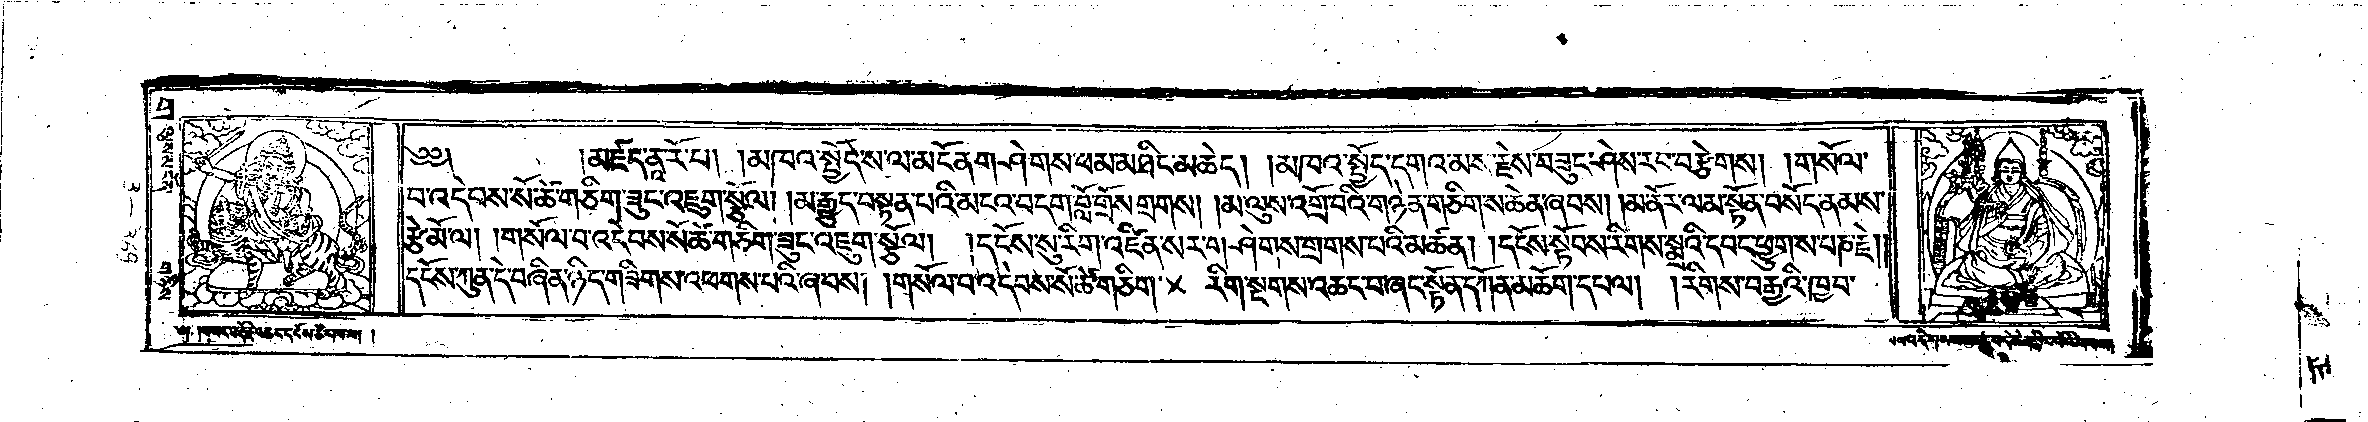༄༅། །མཛད་ནཱ་རོ་པ། །མཁའ་སྤྱོད་ས་ལ་མངོན་གཤེགས་ཕམ་མཐིང་མཆེད། །མཁའ་སྤྱོད་དགའ་མས་རྗེས་བཟུང་ཤེས་རབ་བརྩེགས། །གསོལ་
བ་འདེབས་སོ་ཚེ་གཅིག་ཟུང་འཇུག་སྩོལ། །མ་རྒྱུད་བསྟན་པའི་མངའ་བདག་བློ་གྲོས་གྲགས། །མ་ལུས་འགྲོ་བའི་གཉེན་གཅིག་ས་ཆེན་ཞབས། །མ་ནོར་ལམ་སྟོན་བསོད་ནམས་
རྩེ་མོ་ལ། །གསོལ་བ་འདེབས་སོ་ཚེ་གཅིག་ཟུང་འཇུག་སྩོལ། །དངོས་སུ་རིག་འཛིན་སར་གཤེགས་གྲགས་པའི་མཚན། །དངོས་སྟོབས་རིགས་སྨྲའི་དབང་ཕྱུག་ས་པཎ་རྗེ།།
དངོས་ཀུན་དེ་བཞིན་ཉིད་གཟིགས་འཕགས་པའི་ཞབས། །གསོལ་བ་འདེབས་སོ་ཚེ་གཅིག྾་རིག་སྔགས་འཆད་བ་ཞང་སྟོན་དཀོན་མཆོག་དཔལ། །རིགས་བརྒྱའི་ཁྱབ་